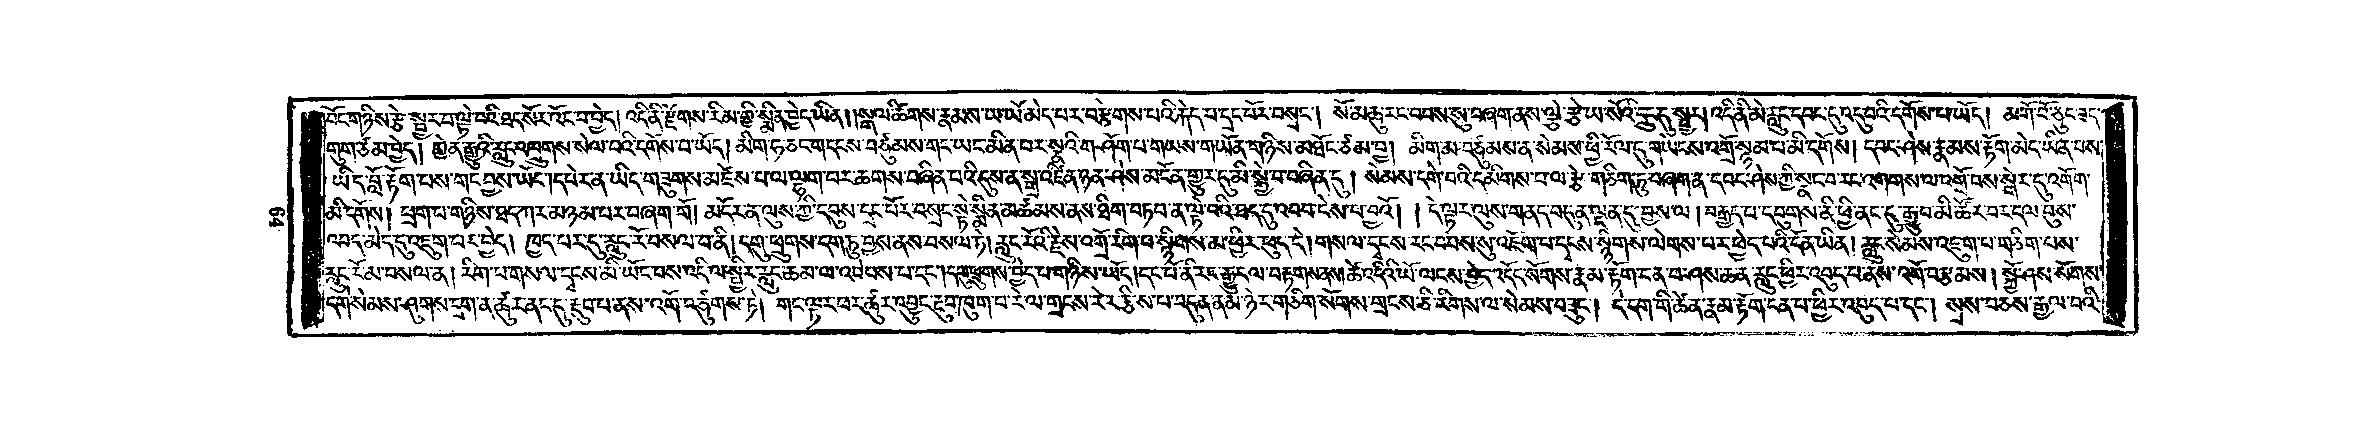བོང་གཉིས་རྩེ་སྦྱར་བ་ལྟེ་བའི་ཐད་སོར་འོང་བ་བྱེད། འདི་ནི་རྫོགས་རིམ་གྱི་སྨིན་བྱེད་ཡིན། །སྒལ་ཚིགས་རྣམས་ཡ་ཡོ་མེད་པར་བརྩེགས་པའི་རྐེད་པ་དྲང་པོར་བསྲང་། སོ་མཆུ་རང་བབས་སུ་བཞག་ནས་ལྕེ་རྩེ་ཡ་སོའི་དྲུང་དུ་སྦྱར། འདི་ནི་མེ་རླུང་དབང་དུ་འདུ་བའི་དགོས་པ་ཡོད། མགོ་བོ་ཅུང་ཟད་
གུག་ཙམ་བྱེད། གྱེན་རྒྱུའི་རླུང་འཁྲུགས་སེལ་བའི་དགོས་པ་ཡོད། མིག་ཧ་ཅང་གདངས་བཙུམས་གང་ཡང་མིན་པར་སྣའི་གཤོག་པ་གཡས་གཡོན་གཉིས་མཐོང་ཙམ་བྱ། མིག་མ་བཙུམས་ན་སེམས་ཕྱི་རོལ་དུ་གཡེངས་འགྲོ་སྙམ་པ་མི་དགོས། དབང་ཤེས་རྣམས་རྟོག་མེད་ཡིན་པས་
ཡིད་བློ་རྟོག་པས་གང་བྱས་ཡོང་། དཔེར་ན་ཡིད་གཟུགས་མཛེས་པ་ལ་ལྷག་པར་ཆགས་བཞིན་པའི་དུས་ན་སྒྲ་འཛིན་ཉན་ཤེས་མངོན་གྱུར་དུ་མི་སྐྱེ་བ་བཞིན་དུ། སེམས་དགེ་བའི་དམིགས་པ་ལ་རྩེ་གཅིག་ཏུ་བཞག་ན་དབང་ཤེས་ཀྱི་སྣང་བ་རང་འགགས་ལ་འགྲོ་བས་སྒེར་དུ་འགོག་
མི་དགོས། ཕྲག་པ་གཉིས་ཐད་ཀར་མཉམ་པར་བཞག་གོ། མདོར་ན་ལུས་ཀྱི་དབུས་དྲང་པོར་བསྲང་སྟེ་སྨིན་མཚམས་ནས་ཐིག་བཏབ་ན་ལྟེ་བའི་ཐད་དུ་འབབ་ངེས་པ་བྱའོ། །དེ་ལྟར་ལུས་གནད་བདུན་ལྡན་དུ་བྱས་ལ། བརྒྱད་པ་དབུགས་ནི་ཕྱི་ནང་དུ་རྒྱུ་བ་མི་ཚོར་བར་དལ་བུམ་
འབད་མེད་དུ་འཇུག་པར་བྱེད། ཁྱད་པར་དུ་རླུང་རོ་བསལ་བ་ནི། དགུ་ཕྲུགས་དག་ཏུ་བྱས་ནས་བསལ་ཏེ། རླུང་རོའི་རྗེས་འགྲོ་རིག་པ་སྙིགས་མ་ཕྱིར་ཕུད་དེ། གསལ་དྭངས་རང་བབས་སུ་འཇོག་པ་དྭངས་སྙིགས་ལེགས་པར་ཕྱེད་པའི་དོན་ཡིན། རླུང་སེམས་འཇུག་པ་གཅིག་པས་
རླུང་རོ་མ་བསལ་ན། རིག་པ་གསལ་དྭངས་མི་ཡོང་བས་འདི་ལ་སྤྱིར་རླུང་ཆམ་ལ་འབེབས་པ་དང་། དགུ་ཕྲུགས་བྱེད་པ་གཉིས་ཡོད། དང་པོ་ནི་རང་རྒྱུད་ལ་བརྟགས་ནས། ཚེ་འདིའི་ཡོ་ལངས་བྱེད་འདོད་སོགས་རྣམ་རྟོག་ངན་བ་ཤས་ཆན་རླུང་ཕྱིར་འབུད་པ་ནས་འགོ་བརྩམས། སྐྱོ་ཤས་སོགས་
དགེ་སེམས་ཤུགས་དྲག་ན་ཚུར་ནང་དུ་རྡུབ་པ་ནས་འགོ་བཙུགས་ཏེ། གང་ལྟར་ཕར་ཚུར་འབྱུང་རྔུབ་ཁུག་པ་རེ་ལ་གྲངས་རེར་རྩིས་པ་བདུན་ནམ་ཉེར་གཅིག་སོགས་གྲངས་ཅི་རིགས་ལ་སེམས་བཟུང་། དེ་དག་གི་ཚེ་ན་རྣམ་རྟོག་ངན་པ་ཕྱིར་འབུད་པ་དང་། སྲས་བཅས་རྒྱལ་བའི་